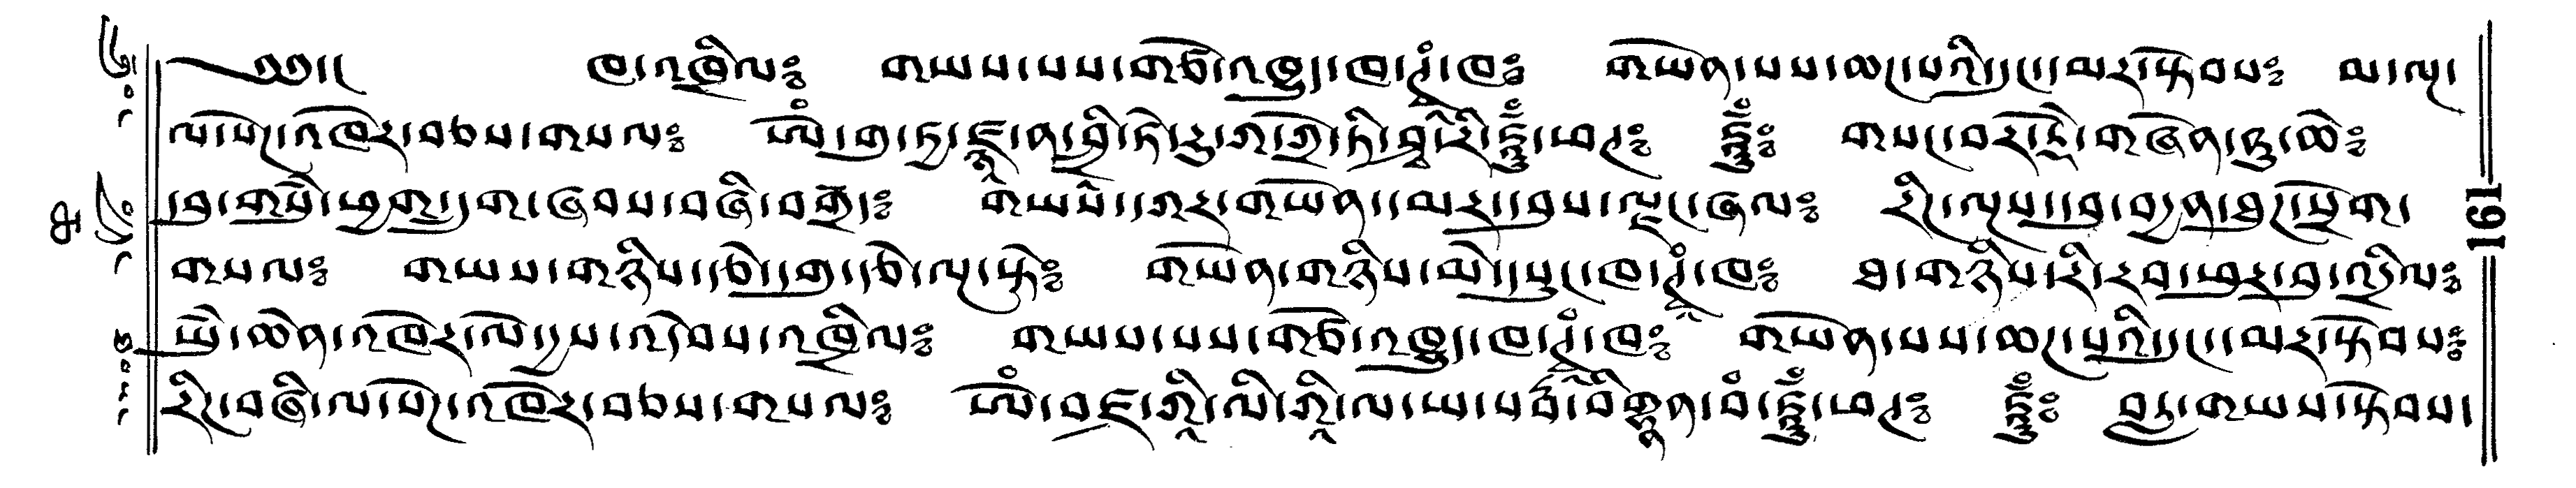ཁ་འཁྲིལ༔ གཡས་པས་གཙོ་འཁྱུད་ཁ་ཊྭཱཾ་ཁ༔ གཡོན་པས་ཆགས་པའི་དུང་དམར་སྟོབ༔ མ་ལྔ་
ལ་སོགས་འཁོར་བཅས་གསལ༔ ཨོཾ་གུ་ཧྱ་ཛྙཱ་ན་ཤྲཱི་ཧེ་རུ་ཀ་ཀྲོ་དྷི་ཤྭ་རི་ཧཱུྃ་ཕཊ༔ཧཱུྃ༔ གསང་བར་རྡོ་རྗེ་གཞོན་ནུ་ཆེ༔ 
དབུ་གསུམ་ཕྱག་དྲུག་ཞབས་བཞི་བསྒྲད༔ གཡས་དཀར་གཡོན་དམར་དབུས་ལྗང་ཞལ༔ རིགས་ལྔས་དབུ་བརྒྱན་ཐུགས་སྲོག་
གསལ༔ གཡས་གཉིས་རྩེ་དགུ་རྩེ་ལྔ་སྟེ༔ གཡོན་གཉིས་མེ་དཔུང་ཁ་ཊྭཱཾ་ག༔ ཐ་གཉིས་རི་རབ་ཕུར་བུ་འདྲིལ༔ 
ཡུམ་ཆེན་འཁོར་ལོ་རྒྱས་འདེབས་འཁྲིལ༔ གཡས་པས་གཙོ་འཁྱུད་ཁ་ཊྭཱཾ་ག༔ གཡོན་པས་ཆགས་པའི་དུང་དམར་སྟོབ༔ 
རིགས་བཞི་ལ་སོགས་འཁོར་བཅས་གསལ༔ ཨོཾ་བཛྲ་ཀཱི་ལི་ཀཱི་ལ་ཡ་སརྦ་བིགྷྣན་བྃ་ཧཱུྃ་ཕཊ༔ ཧཱུྃ༔ བརླ་གཡས་སྟོབས་